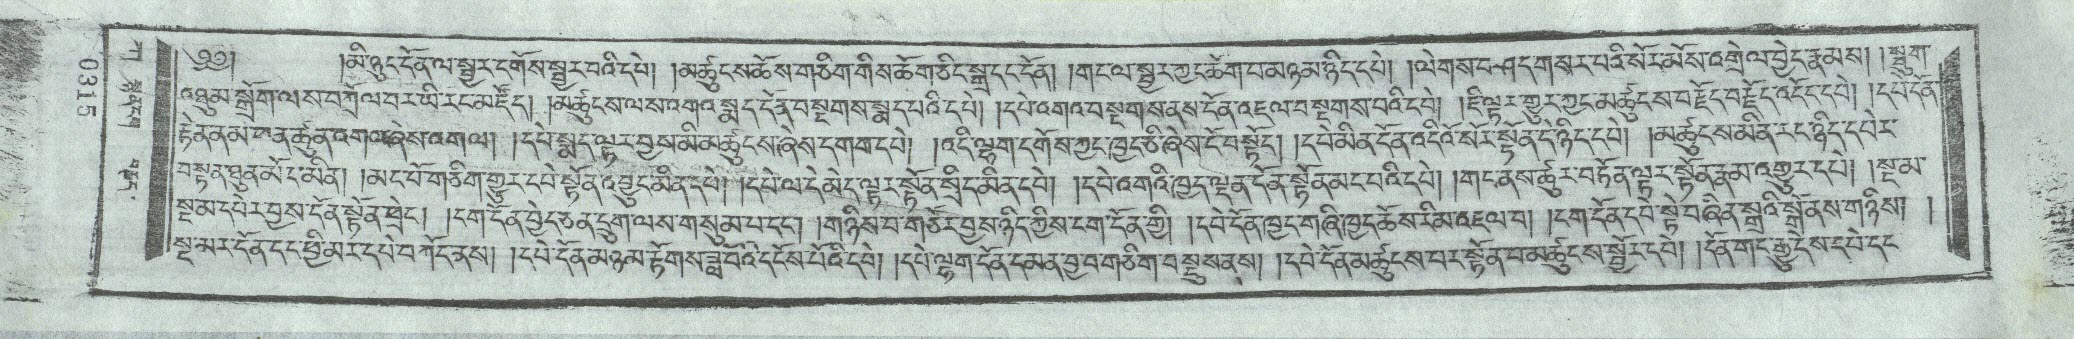༄༅། །མི་ཉུང་དོན་ལ་སྦྱར་དགོས་སྦྱར་བའི་དཔེ། །མཚུངས་ཆོས་གཅིག་གིས་ཆོག་ཅིང་སྒྲ་དང་དོན། །གང་ལ་སྦྱར་ཀྱང་ཆོག་པ་མཉམ་ཉིད་དཔེ། །ལེགས་བཤད་གསར་པའི་སོར་མོས་འགྲེལ་བྱེད་རྣམས། །སྦུག་
མཐུན་སྒྲོག་ལས་བཀྲོལ་བར་ཡི་རང་མཛོད། །མཚུངས་ལས་འགའ་སྨད་དོན་བསྔགས་སྨད་པའི་དཔེ། །དཔེ་འགའ་བསྔགས་ནས་དོན་འཇལ་བསྔགས་པའི་དཔེ། །ཇི་ལྟར་གྱུར་ཀྱང་མཚུངས་བརྗོད་བརྗོད་འདོད་དཔེ། །དཔེ་དོན་
རྟེན་ནམ་ཕན་ཚུན་འགལ་ཞེས་གསལ། །དཔེ་སྨད་ལྟར་བྱས་མི་མཚུངས་ཞེས་དགག་དཔེ། །འདི་ལྷག་དགོས་ཀྱང་ཁྱང་ཅི་ཞེས་ངོ་བསྟོད། །དཔེ་མིན་དོན་འདིའོ་སོར་སྟོན་དེ་ཉིད་དཔེ། །མཚུངས་མིན་རང་ཉིད་དཔེར་
བསྟན་ཐུན་མོང་མིན། །མང་པོ་གཅིག་གྱུར་དཔེ་སྟོན་འབྱུང་མིན་དཔེ། །དཔེ་ལ་དེ་མེད་ལྟར་སྨོན་སྲིད་མིན་དཔེ། །དཔེ་འགའི་ཁྱད་ལྡན་དོན་སྟོན་མང་པའི་དཔེ། །གང་ནས་ཚུར་བཏོན་ལྟར་སྟོན་རྣམ་འགྱུར་དཔེ། །སྔ་མ་
སྔ་མ་དཔེར་བྱས་དོན་སྟོན་ཕྲེང་། །དག་དོན་བྱེད་ཅན་དྲུག་ལས་གསུམ་པ་དང་། །གཉིས་པ་གཙོར་བྱས་ཉིད་ཀྱིས་ངག་དོན་གྱི། །དཔེ་དོན་ཁྱད་གཞི་ཁྱད་ཆོས་རིམ་འཇལ་བ། །ངག་དོན་དཔེ་སྟེ་བཞིན་སྒྲའི་སྒྲོ་ནས་གཉིས། །
སྔ་མར་དོན་དང་ཕྱི་མར་དཔེ་བཀོད་ནས། །དཔེ་དོན་མཉམ་རྟོགས་ཟླ་བོའི་དངོས་པོའི་དཔེ། །དཔེ་ལྷག་དོན་དམན་བྱ་བ་གཅིག་བསྡུས་ནས། །དཔེ་དོན་མཚུངས་པར་སྟོན་པ་མཚུངས་སྦྱོར་དཔེ། །དོན་གང་རྒྱུ་དེས་དཔེ་དང་